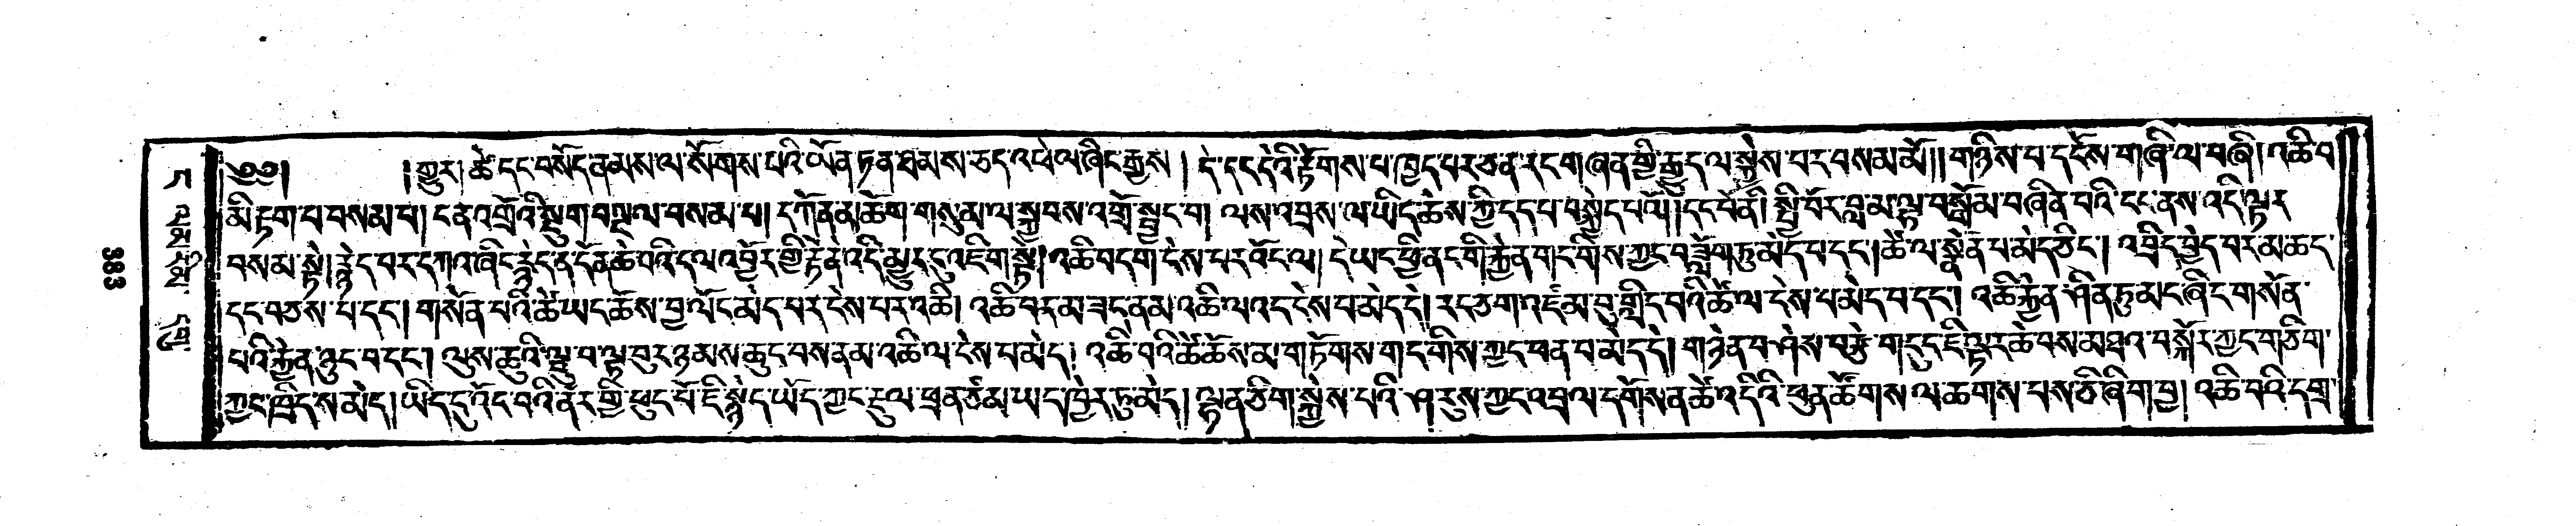༄༅། །གྱུར། ཚེ་དང་བསོད་ནམས་ལ་སོགས་པའི་ཡོན་ཏན་ཐམས་ཅད་འཕེལ་ཞིང་རྒྱས། དེ་དང་དེའི་རྟོགས་པ་ཁྱད་པར་ཅན་རང་གཞན་གྱི་རྒྱུད་ལ་སྐྱེས་པར་བསམ་མོ། །གཉིས་པ་དངོས་གཞི་ལ་བཞི། འཆི་བ་
མི་རྟག་པ་བསམ་པ། ངན་འགྲོའི་སྡུག་བསྔལ་བསམ་པ། དཀོན་མཆོག་གསུམ་ལ་སྐྱབས་འགྲོ་སྦྱང་བ། ལས་འབྲས་ལ་ཡིད་ཆེས་ཀྱི་དད་པ་བསྐྱེད་པའོ། །དང་པོ་ནི། སྤྱི་བོར་བླ་མ་ལྷ་བསྒོམ་བཞིན་པའི་ངང་ནས་འདི་ལྟར་
བསམ་སྟེ། རྙེད་པར་དཀའ་ཞིང་རྙེད་ན་དོན་ཆེ་བའི་དལ་འབྱོར་གྱི་རྟེན་འདི་མྱུར་བ་འཇིག་སྟེ། འཆི་བདག་ངེས་པར་འོང་ལ། དེ་ཡང་ཕྱི་ནང་གི་རྐྱེན་གང་གིས་ཀྱང་བཟློག་ཏུ་མེད་པ་དང་། ཚེ་ལ་སྣོན་པ་མེད་ཅིང་། འབྲིང་བྱེད་བར་མ་ཆད་
དང་བཅས་པ་དང་། གསོན་པའི་ཚེ་ཡང་ཆོས་བྱ་ལོང་མེད་པར་ངེས་པར་འཆི། འཆི་བར་མ་ཟད་ནམ་འཆི་ལའང་ངེས་པ་མེད་དེ། རང་ཅག་འཛམ་བུ་གླིང་པའི་ཚེ་ལ་ངེས་པ་མེད་པ་དང་། འཆི་རྐྱེན་ཤིན་ཏུ་མང་ཞིང་གསོན་
པའི་རྐྱེན་ཉུང་བ་དང་། ལུས་ཆུའི་སྦུ་བ་ལྟ་བུར་ཉམས་ཆུང་བས་ནམ་འཆི་ལ་ངེས་པ་མེད། འཆི་བའི་ཚེ་ཆོས་མ་གཏོགས་གང་གིས་ཀྱང་ཕན་པ་མེད་དེ། གཉེན་བཤེས་བརྩེ་གདུང་ཇི་ལྟར་ཆེ་བས་མཐའ་བསྐོར་ཀྱང་གཅིག་
ཀྱང་ཁྲིད་ས་མེད། ཡིད་དུ་འོང་བའི་ནོར་གྱི་ཕུང་པོ་ཇི་སྙེད་ཡོད་ཀྱང་རྡུལ་ཕྲན་ཙམ་ཡང་ཁྱེར་ཏུ་མེད། ལྷན་ཅིག་སྐྱེས་པའི་ཤ་རུས་ཀྱང་འབྲལ་དགོས་ན་ཚེ་འདིའི་ཕུན་ཚོགས་ལ་ཆགས་པས་ཅི་ཞིག་བྱ། འཆི་བའི་དགྲ་